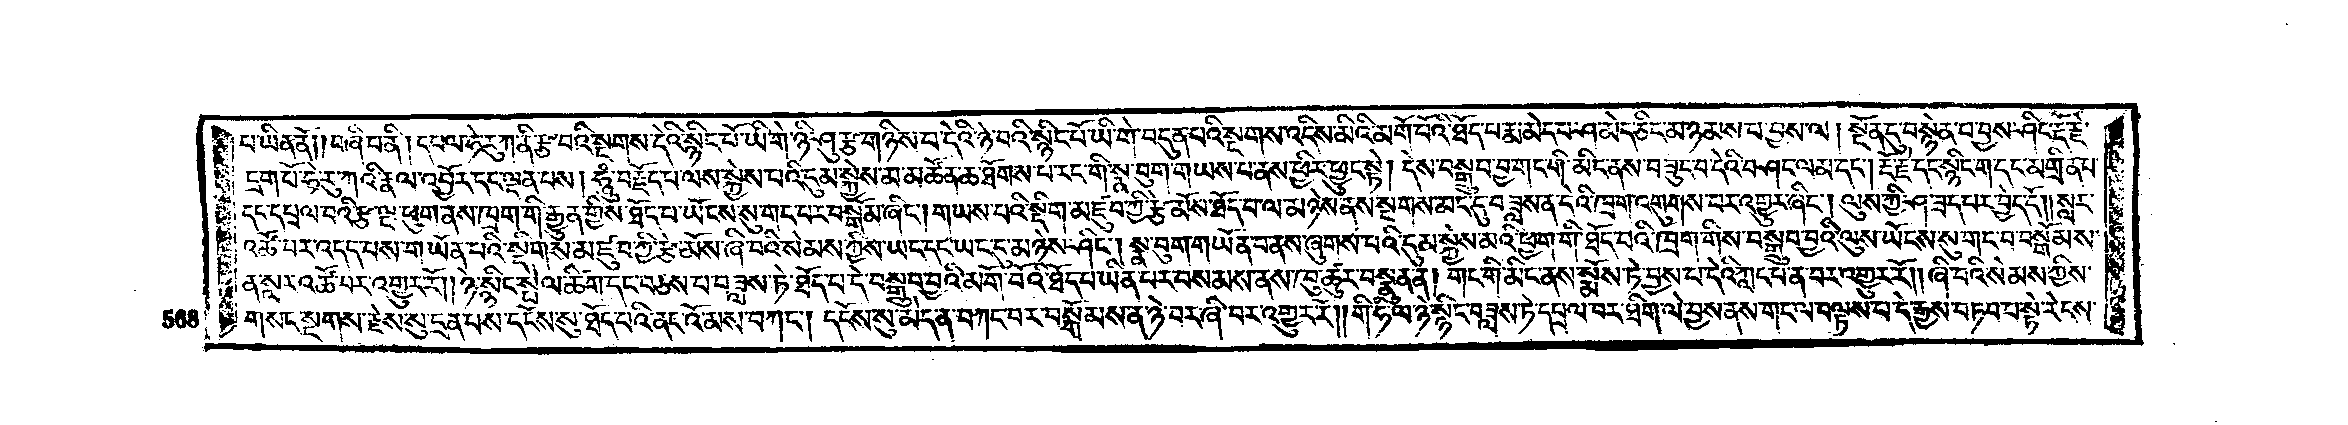པ་ཡིན་ནོ། །བཞི་པ་ནི། དཔལ་ཧེ་རུ་ཀ་ནི་རྩ་བའི་སྔགས་དེའི་སྙིང་པོ་ཡི་གེ་ཉི་ཤུ་རྩ་གཉིས་པ་དེའི་ཉེ་བའི་སྙིང་པོ་ཡི་གེ་བདུན་པའི་སྔགས་འདིས་མིའི་མགོ་བོའི་ཐོད་པ་རྨ་མེད་པ་ཤ་མེད་ཅིང་མ་ཉམས་པ་བྱས་ལ། སྔོན་དུ་བསྙེན་པ་བྱས་ཤིང་རྡོ་རྗེ་
དྲག་པོ་ཧེ་རུ་ཀའི་རྣལ་འབྱོར་དང་ལྡན་པས། ཧཱུཾ་བརྗོད་པ་ལས་སྐྱེས་པའི་དུ་མ་སྐྱེས་མ་མཚོན་ཆ་ཐོགས་པ་རང་གི་སྣ་བུག་གཡས་པ་ནས་ཕྱིར་ཕྱུང་སྟེ། དེས་བསྒྲུབ་བྱ་གང་གི་མིང་ནས་བཟུང་བ་དེའི་བཤང་ལམ་དང་། རྡོ་རྗེ་དང་སྙིང་ག་དང་མགྲིན་པ་
དང་དཔྲལ་བའི་རྩ་ལྔ་ཕུག་ནས་ཁྲག་གི་རྒྱུན་གྱིས་ཐོད་པ་ཡོངས་སུ་གང་བར་བསྒོམ་ཞིང་། གཡས་པའི་སྡིག་མཛུབ་ཀྱི་རྩེ་མོས་ཐོད་པ་ལ་མཉེས་ནས་སྔགས་མང་དུ་བཟླས་ན་དེའི་ཁྲག་འགུགས་པར་འགྱུར་ཞིང་། ལུས་ཀྱི་ཤ་ཟད་པར་བྱེད་དོ། །སླར་
འཚོ་བར་འདད་པས་གཡོན་པའི་སྡིགས་མཛུབ་ཀྱི་རྩེ་མོས་ཞི་བའི་སེམས་ཀྱིས་ཡང་དང་ཡང་དུ་མཉེས་ཤིང་། སྣ་བུག་གཡོན་པ་ནས་ཞུགས་པའི་དུ་མ་སྐྱེས་མའི་ཕྱག་གི་ཐོད་པའི་ཁྲག་གིས་བསྒྲུབ་བྱའི་ལུས་ཡོངས་སུ་གང་བ་བསྒོམས་
ན་སླར་འཚོ་བར་འགྱུར་རོ། །ཉེ་སྙིང་སྤེལ་ཚིག་དང་བཅས་པ་བཟླས་ཏེ་ཐོད་པ་དེ་བསྒྲུབ་བྱའི་མགོ་བོའི་ཐོད་པ་ཡིན་པར་བསམས་ནས་ཁུ་ཚུར་བསྣུན་ན། གང་གི་མིང་ནས་སྨོས་ཏེ་བྱས་པ་དེའི་ཀླང་པ་ན་བར་འགྱུར་རོ། །ཞི་བའི་སེམས་ཀྱིས་
གསང་སྔགས་རྗེས་སུ་དྲན་པས་དངོས་སུ་ཐོད་པའི་ནང་འོ་མས་བཀང་། དངོས་སུ་མེད་ན་བཀང་བར་བསྒོམས་ན་ཉེ་བར་ཞི་བར་འགྱུར་རོ། །གི་ཧཾ་ལ་ཉེ་སྙིང་བཟླས་ཏེ་དཔྲལ་བར་ཐིག་ལེ་བྱས་ནས་གང་ལ་བལྟས་པ་དེ་རྒྱས་བཏབ་པ་སྟེ་རེངས་